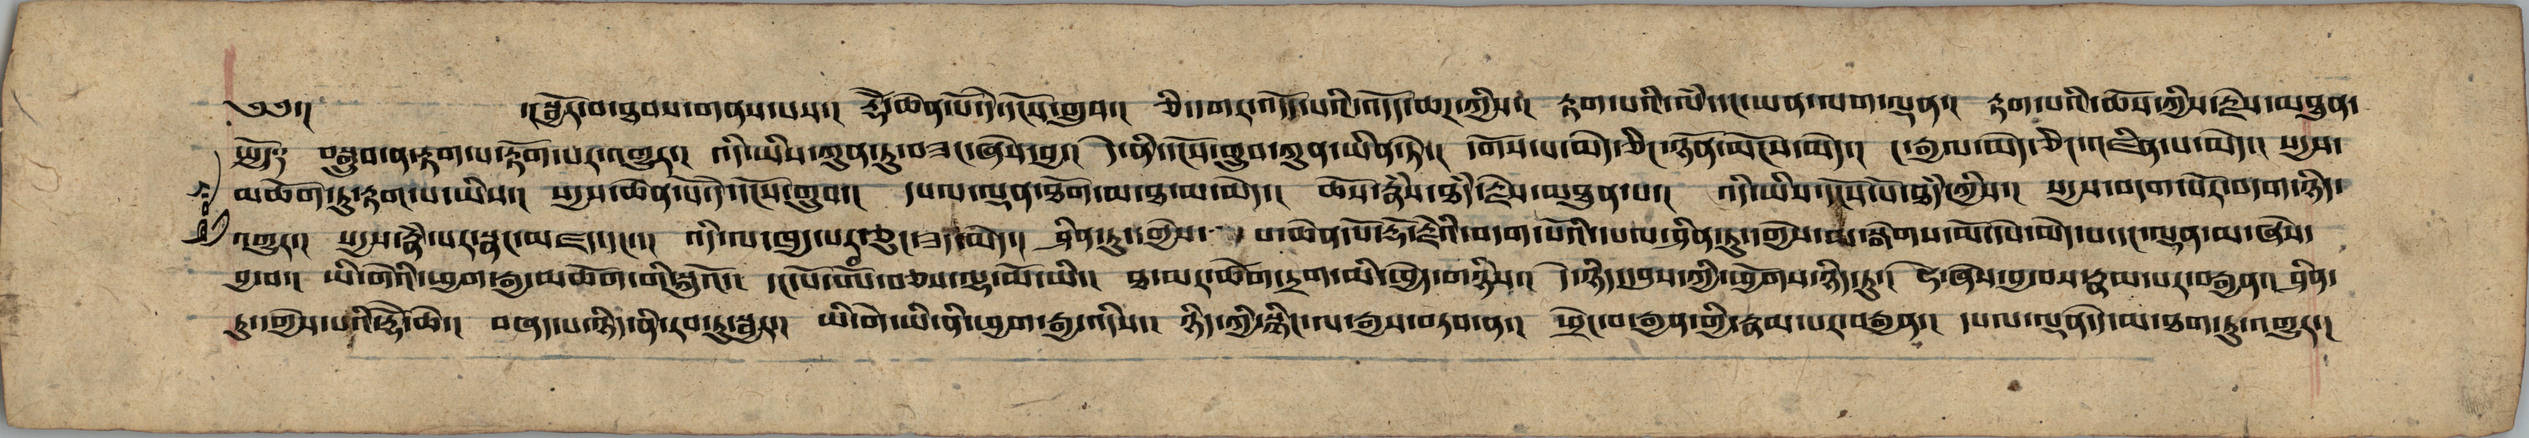༄༅་། ་།སྦྱོར་བ་ཐབས་གནས་པས་། རྡོེ་ཆེན་པོ་དེ་དངོས་གྲུབ་། ཅི་དགར་འདོད་པའི་འདོད་ཆཌ་ཀྱིས་། རྟག་པའི་ལཾ་དང་ཡན་ལག་ལྡན་། རྟག་པའི་ཆོས་ཀྱིས་རྗེས་མཐུན་
སྤྱོད༑ བསྒྲུབ་ན་རྟག་པ་རྟོག་པར་འགྱུར་། འདི་ཡིས་ཀུན་ཏུ་བཟང་ཞེས་བྱ་། དེ་ནི་དངོས་གྲུབ་ཀུན་ཡིན་ཏེ་། དགོས་པ་མེད་ཅིང་ཉོན་མོངས་མེད་། ང་རྒྱལ་མེད་ཅིང་འཛིན་པ་མེད་། སདྱས་
མཆོག་ཏུ་རྟག་པ་ཡིས་། སདྱས་ཆེན་པོ་དེ་དངོས་གྲུབ་། དཔལ་ལྡན་ཐོག་མ་ཐ་མ་མེད་། ཆོས་རྣཾས་ཐཾད་རྗེས་མཐུན་པ་། འདི་ཡིས་དངོས་པོ་ཐཾད་ཀྱིས་། སདྱས་བདག་པོར་བདག་ཉིད་
འགྱུར་། སདྱས་རྣཾ་པར་སྣང་མཛད་དང་་། འདི་ལ་ཁྱད་པར་ཅུང་ཟད་མེད་། ཤིན་ཏུ་འགྱེས་ པ་ཆེན་པོ་རྡོ་རྗེའི་བདག་པོའི་དཔལ་ཤིན་ཏུ་དགྱེས་མ་སྒེགས་མོ་དཔེ་མེད་པ་དང་ལྡན་མ་ཞེས་
བྱ་བ་། ཡི་གེའི་ཕྱག་རྒྱ་མཆོག་གི་སྐུའོ་། དང་པོ་ཨོཾ་བཅས་ལྷ་མོ་ཡི་། ཐ་མར་ཚེག་དྲག་མི་ཕྱེད་གཉིས་། དེ་ཉིད་དབུས་ཀྱི་ཕྱོགས་ཉིད་ཏུ་། ཧེ་ཞེས་བྱ་བས་རྣམ་པར་བརྒྱན་། ཤིན་
ཏུ་དགྱེས་པའི་རྡོེ་ཆེ་། བཞད་པ་ཉིད་ནི་རབ་ཏུ་སྦྱར་། ཡི་གེ་ཡི་ནི་ཕྱག་རྒྱ་འདིས་། ཉིད་ཀྱི་སྙིང་ལ་རྒྱས་བཏབ་ན་། ཕྲེང་བ་རྒྱན་གྱི་རྣམ་པར་བརྒྱན་། དཔལ་ལྡན་དེ་མ་ཐག་ཏུ་འགྱུར་།